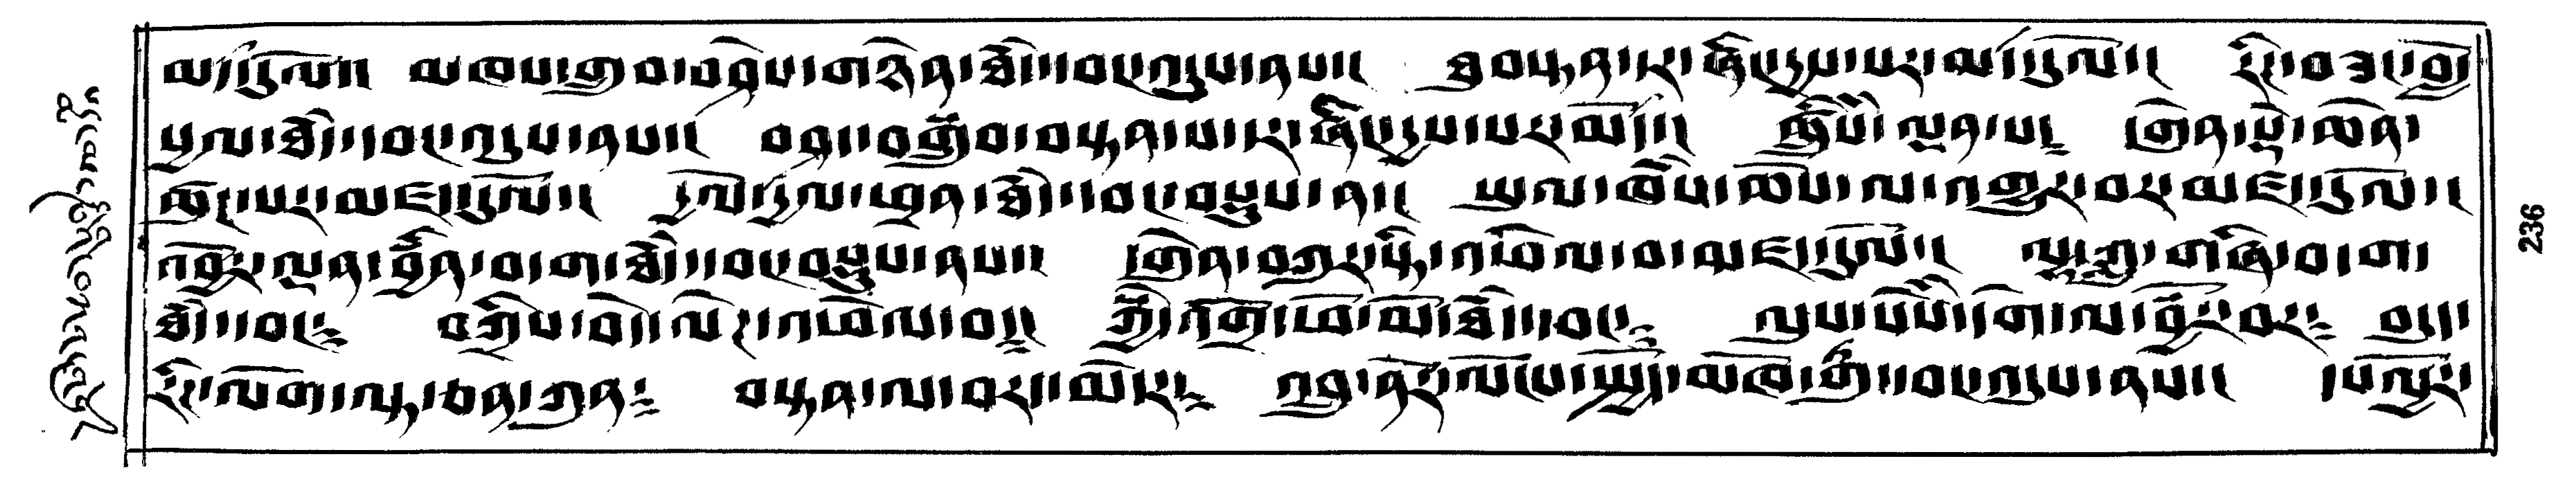མཛད་དུ་གསོལ། །མཁས་གྲུབ་བཤེས་གཉེན་ཐམས་ཅད་དབང་འདུས་ནས། །ཐུབ་བསྟན་དར་ཞིང་རྒྱས་པར་མཛད་དུ་གསོལ། །རིགས་བཟང་བློ་
གསལ་ཐམས་ཅད་དབང་འདུས་ནས། །བཤད་བསྒྲུབ་བསྟན་པ་དར་ཞིང་རྒྱས་པར་མཛོད། །ཚུལ་ཁྲིམས་ལྡན་པ༴ དགེ་འདུན་སྡེ་ཆེན་
ཚུགས་པར་མཛད་དུ་གསོལ། །རྒྱལ་པོ་རྒྱལ་ཕྲན་ཐམས་ཅད་དབང་བསྡུས་ནས། །ཡུལ་ཁམས་ཆོས་ལ་འགྱུར་བར་མཛད་དུ་གསོལ། །
འབྱོར་ལྡན་སྦྱིན་བདག་ཐམས་ཅད་དབང་བསྡུས་ནས། །དགེ་འདུན་བཀུར་སྟི་འཕེལ་བ་མཛད་དུ་གསོལ། །ལྷ་ཀླུ་གཞི་བདག་
ཐམས་ཅད་དབང༴ བཀྲ་ཤིས་བདེ་ལེགས་འཕེལ་བ༴ །སྐྱེ་འགྲོ་ཕོ་མོ་ཐམས་ཅད་དབང༴ །ལུས་སེམས་དགེ་ལ་སྦྱོར་བར༴ བདུད་
རིགས་ལོག་ལྟ་ཅན་ཀུན༴ བསྟན་ལ་བར་ཆད་མེད་པར་༴ འབྲུ་ནོར་ལོངས་སྤྱོད་མཁོ་རྒུ་དབང་འདུས་ནས། །དཔལ་འབྱོར་